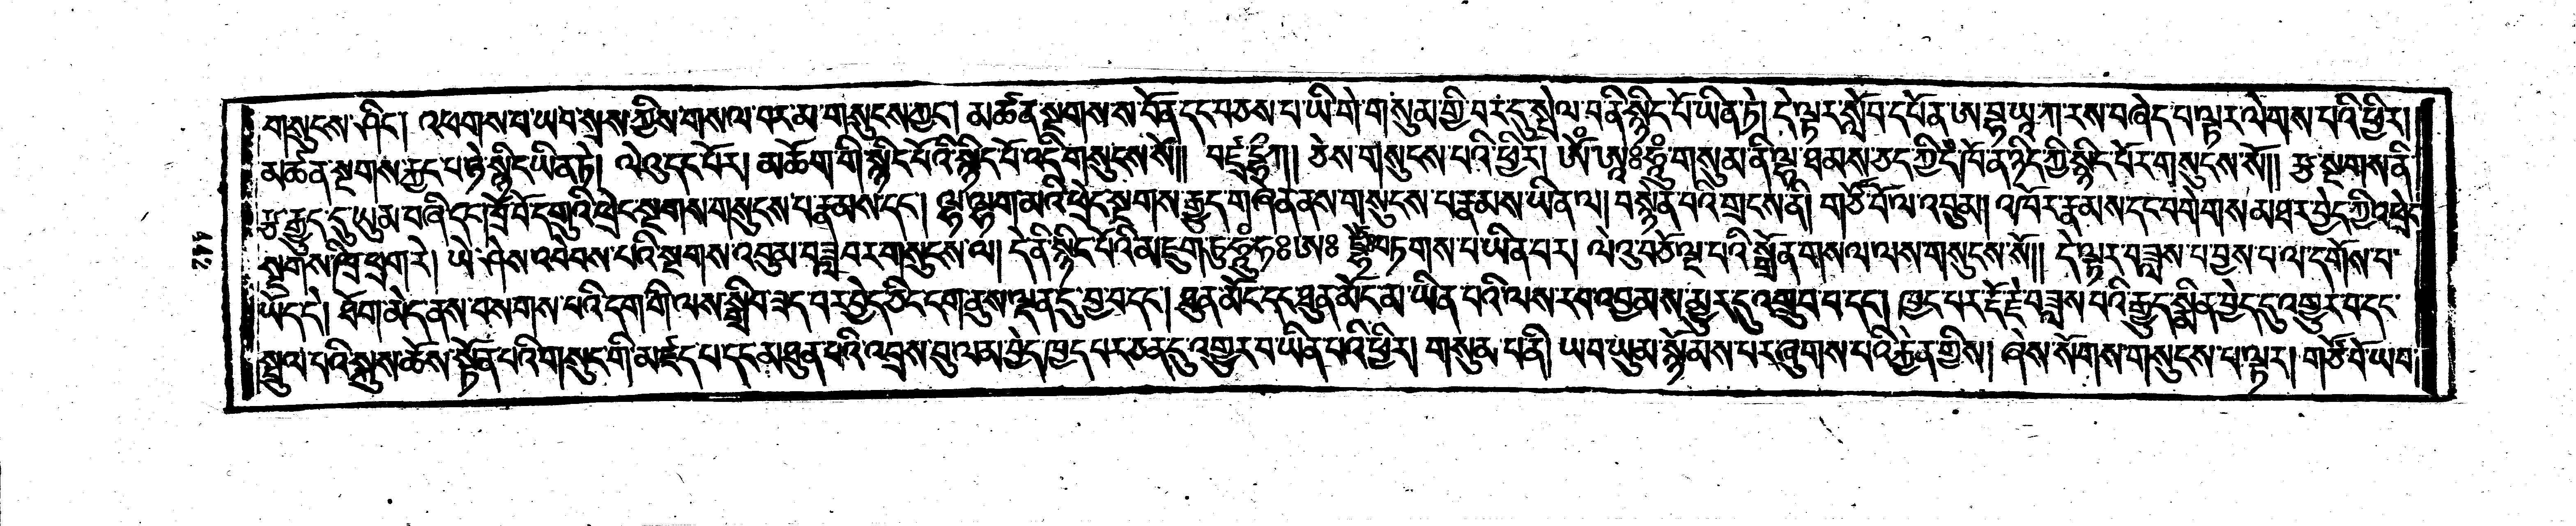གསུངས་ཤིང་། འཕགས་པ་ཡབ་སྲས་ཀྱིས་གསལ་བར་མ་གསུངས་ཀྱང་། མཚན་སྔགས་ས་བོན་དང་བཅས་པ་ཡི་གེ་གསུམ་གྱི་བར་དུ་སྤེལ་བ་ནི་སྙིང་པོ་ཡིན་ཏེ། དེ་ལྟར་སློབ་དཔོན་ཨ་བྷ་ཡཱ་ཀ་རས་པ་ཞེད་པ་ལྟར་ལེགས་པའི་ཕྱིར།
མཚན་སྔགས་རྐྱང་པ་ཉེ་སྙིང་ཡིན་ཏེ། ལེའུ་དང་པོར། མཆོག་གི་སྙིང་པོའི་སྙིང་པོ་འདི་གསུངས་སོ།། བཛྲ་དྷྲྀཀ། ཅེས་གསུངས་པའི་ཕྱིར། ཨོཾ་ཨཱཿ ཧཱུཾ་གསུམ་ནི་ལྷ་ཐམས་ཅད་ཀྱི་དེ་ཁོ་ན་ཉིད་ཀྱི་སྙིང་པོར་གསུངས་སོ། །རྩ་སྔགས་ནི་
རྩ་རྒྱུད་དུ་ཡུམ་བཞི་དང་ཁྲོ་བོ་དགུའི་ཕྲེང་སྔགས་གསུངས་པ་རྣམས་དང་། ལྷ་ལྷག་མའི་ཕྲེང་སྔགས་རྒྱུད་གཞན་ནས་གསུངས་པ་རྣམས་ཡིན་ལ། བསྙེན་པའི་གྲངས་ནི། གཙོ་བོ་ལ་འབུམ། འཁོར་རྣམས་དང་བགེགས་མཐར་བྱེད་ཀྱི་འཕྲེང་
སྔགས་ཁྲི་ཕྲག་རེ། ཡེ་ཤེས་འབེབས་པའི་སྔགས་འབུམ་བཟླ་བར་གསུངས་ལ། དེ་ནི་སྙིང་པོའི་མཇུག་ཏུ་ཧཱུཾ་ཧཿ ཨཿ ཛྷཻཿ བཏགས་པ་ཡིན་པར། ལེའུ་བཅོ་ལྔ་པའི་སྒྲོན་གསལ་ལས་གསུངས་སོ། །དེ་ལྟར་བཟླས་པ་བྱས་པ་ལ་དགོས་པ་
ཡོད་དེ། ཐོག་མེད་ནས་བསགས་པའི་ངག་གི་ལས་སྒྲིབ་ཟད་པར་བྱེད་ཅིང་ངག་ནུས་ལྡན་དུ་བྱ་བ་དང་། ཐུན་མོང་དང་ཐུན་མོང་མ་ཡིན་པའི་ལས་རབ་འབྱམས་མྱུར་དུ་འགྲུབ་པ་དང་། ཁྱད་པར་རྡོ་རྗེ་བཟླས་པའི་རྒྱུད་སྨིན་བྱེད་དུ་འགྱུར་བ་དང་
སྤྲུལ་བའི་སྐུས་ཆོས་སྟོན་པའི་གསུང་གི་མཛད་པ་དང་མཐུན་པའི་འབྲས་བུ་ལམ་བྱེད་ཁྱད་པར་ཅན་དུ་འགྱུར་བ་ཡིན་པའི་ཕྱིར། གསུམ་པ་ནི། ཡབ་ཡུམ་སྙོམས་པར་ཞུགས་པའི་རྐྱེན་གྱིས། ཞེས་སོགས་གསུངས་པ་ལྟར། གཙོ་བོ་ཡབ་